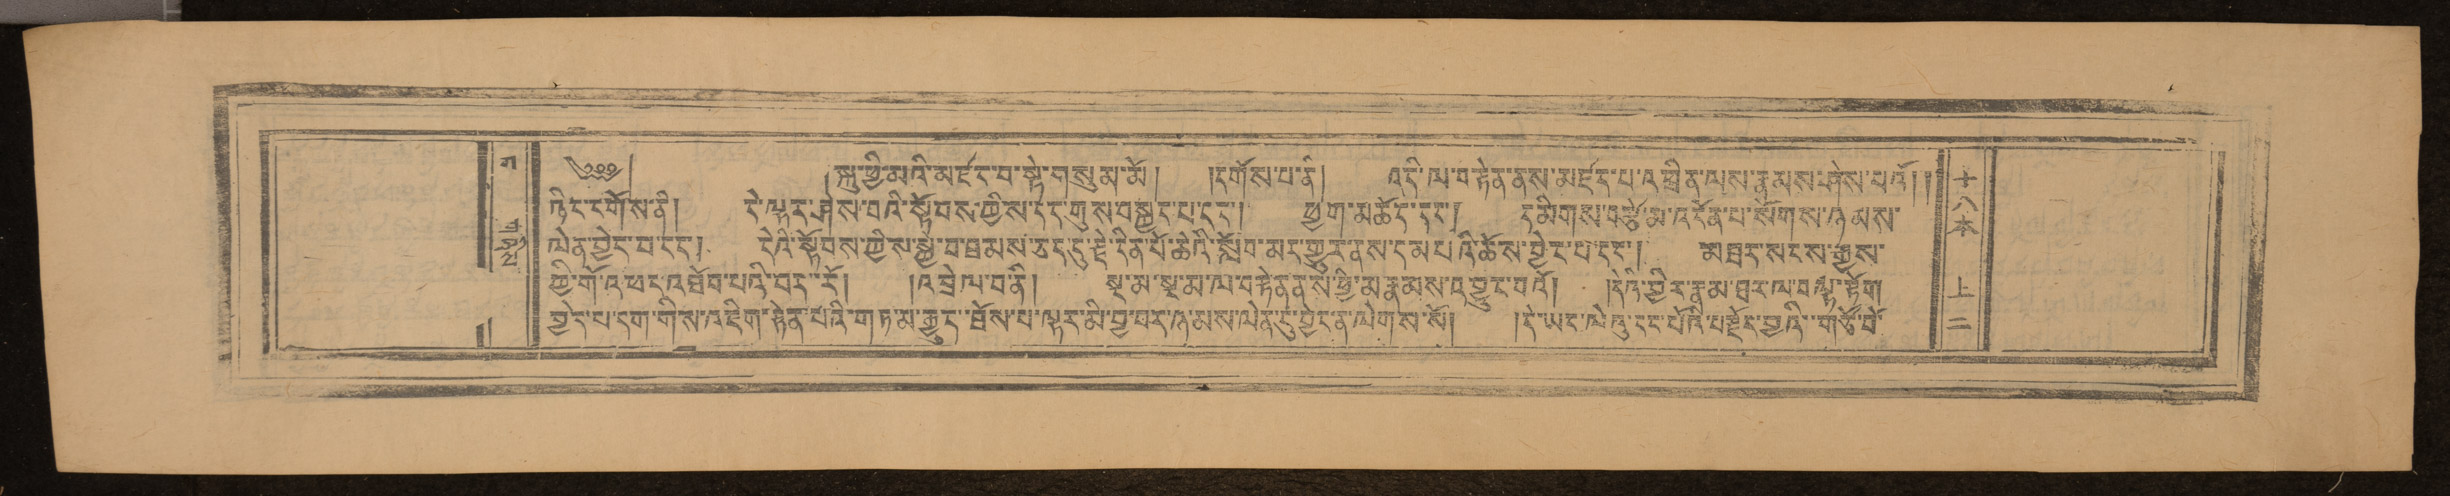༄༅༅། །སྐུ་ཕྱི་མའི་མཛད་པ་སྟེ་གསུམ་མོ། །དགོས་པ་ནི། འདི་ལ་བརྟེན་ནས་མཛད་པ་འཕྲིན་ལས་རྣམས་ཤེས་པའོ། །
ཉིད་དགོས་ནི། དེ་ལྟར་ཤེས་པའི་སྟོབས་ཀྱིས་དད་གུས་བསྐྱེད་པ་དང་། ཕྱག་མཆོད་དང་། དམིགས་བརྩེམ་འདོན་པ་སོགས་ཉམས་
ལེན་བྱེད་པ་དང་། དེའི་སྟོབས་ཀྱིས་སྐྱེ་བ་ཐམས་ཅད་དུ་རྗེ་རིན་པོ་ཆེའི་སློབ་མར་གྱུར་ནས་དམ་པའི་ཆོས་བྱེད་པ་དང་། མཐར་སངས་རྒྱས་
ཀྱི་གོ་འཕང་འཐོབ་པའི་བར་རོ། །འབྲེལ་བ་ནི། སྔ་མ་སྔ་མ་ལ་བརྟེན་ནས་ཕྱི་མ་རྣམས་འབྱུང་བའོ། །དེའི་ཕྱིར་རྣམ་ཐར་ལ་བལྟ་རྟོག་
བྱེད་པ་དག་གིས་འཇིག་རྟེན་པའི་གཏམ་རྒྱུད་ཐོས་པ་ལྟར་མི་བྱ་བར་ཉམས་ལེན་དུ་བྱེད་ན་ལེགས་སོ། །དེ་ཡང་ལེའུ་དང་པོའི་བརྗོད་བྱའི་གཙོ་བོ་